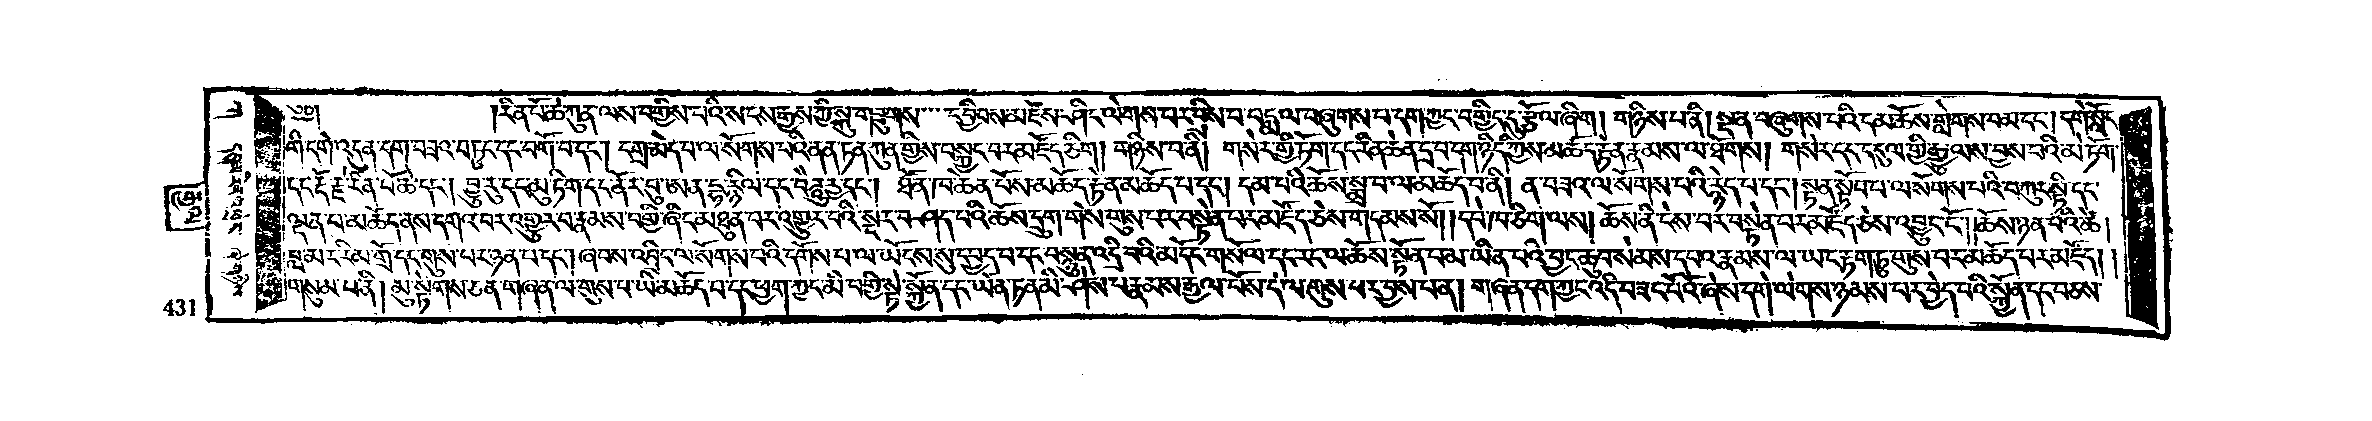༄༅། །རིན་པོ་ཆེ་ཀུན་ལས་བགྱིས་པའི་སངས་རྒྱས་ཀྱི་སྐུ་གཟུགས་དབྱིབས་མཛེས་ཤིང་ལེགས་པར་བྲིས་པ་པདམ་ལ་བཞུགས་པ་དག་ཀྱང་བགྱིད་དུ་རྩོལ་ཞིག །གཉིས་པ་ནི། སྔ་ན་བཞུགས་པའི་དམ་ཆོས་གླེགས་བམ་དང་། དགེ་སློང་
གི་དགེ་འདུན་དག་བཟའ་བཏུང་དང་བགོ་བ་དང་། དགྲ་མེད་པ་ལ་སོགས་པའི་ནན་ཏན་ཀུན་གྱིས་བསྐྱང་བར་མཛོད་ཅིག །གཉིས་པ་ནི། གསེར་གྱི་ཏོག་དང་རིན་ཆེན་དྲ་བ་དག་ཉིད་ཀྱིས་མཆོད་རྟེན་རྣམས་ལ་ཐོགས། གསེར་དང་དངུལ་གྱི་རྒྱུ་ལས་བྱས་པའི་མེ་ཏོག་
དང་རྡོ་རྗེ་རིན་པོ་ཆེ་དང་། བྱུ་རུ་དང་མུ་ཏིག་དང་ནོར་བུ་ཨན་དྷ་རྙིལ་དང་བཻཌཱུརྱ་དང་། ཐོན་ཁ་ཆེན་པོས་མཆོད་རྟེན་མཆོད་པ་དང་། དམ་པའི་ཆོས་སྨྲ་བ་ལ་མཆོད་པ་ནི། ན་བཟའ་ལ་སོགས་པའི་རྙེད་པ་དང་། སྟན་སྟོབ་པ་ལ་སོགས་པའི་བཀུར་སྟི་དང་
ལྡན་པ་མཆོད་ནས་དགའ་བར་འགྱུར་བ་རྣམས་བགྱི་ཞིང་མཐུན་པར་འགྱུར་བའི་སྔར་བཤད་པའི་ཆོས་དྲུག་གིས་གུས་པར་བསྟེན་པར་མཛོད་ཅེས་གདམས་སོ། །དཔེ་ཁ་ཅིག་ལས། ཆོས་ནི་ངེས་པར་བསྟེན་པར་མཛོད་ཅེས་འབྱུང་ངོ། །ཆོས་ཉན་པའི་ཚེ།
བླ་མར་རིམ་གྲོ་དང་གུས་པར་ཉན་པ་དང་། ཞབས་འབྲིང་ལ་སོགས་པའི་དགོས་པ་ལ་ཡོངས་སུ་དཔྱད་པ་དང་བསྙུན་འདྲི་བའི་མདོང་གསོལ་དང་རང་ལ་ཆོས་སྟོན་པ་མ་ཡིན་པའི་བྱང་ཆུབ་སེམས་དཔའ་རྣམས་ལ་ཡང་རྟག་ཏུ་གུས་པར་མཆོད་པར་མཛོད། །
གསུམ་པ་ནི། མུ་སྟེགས་ཅན་གཞན་ལ་གུས་པ་ཡི་མཆོད་པ་དང་ཕྱག་ཀྱང་མི་བགྱི་སྟེ་སྐྱོན་དང་ཡོན་ཏན་མི་ཤེས་པ་རྣམས་རྒྱལ་པོས་དེ་ལ་གུས་པར་བྱས་པ་ན། གཞན་དག་ཀྱང་འདི་བཟང་པོའོ་ཞེས་དགེ་ལེགས་ཉམས་པར་བྱེད་པའི་སྐྱོན་དང་བཅས་